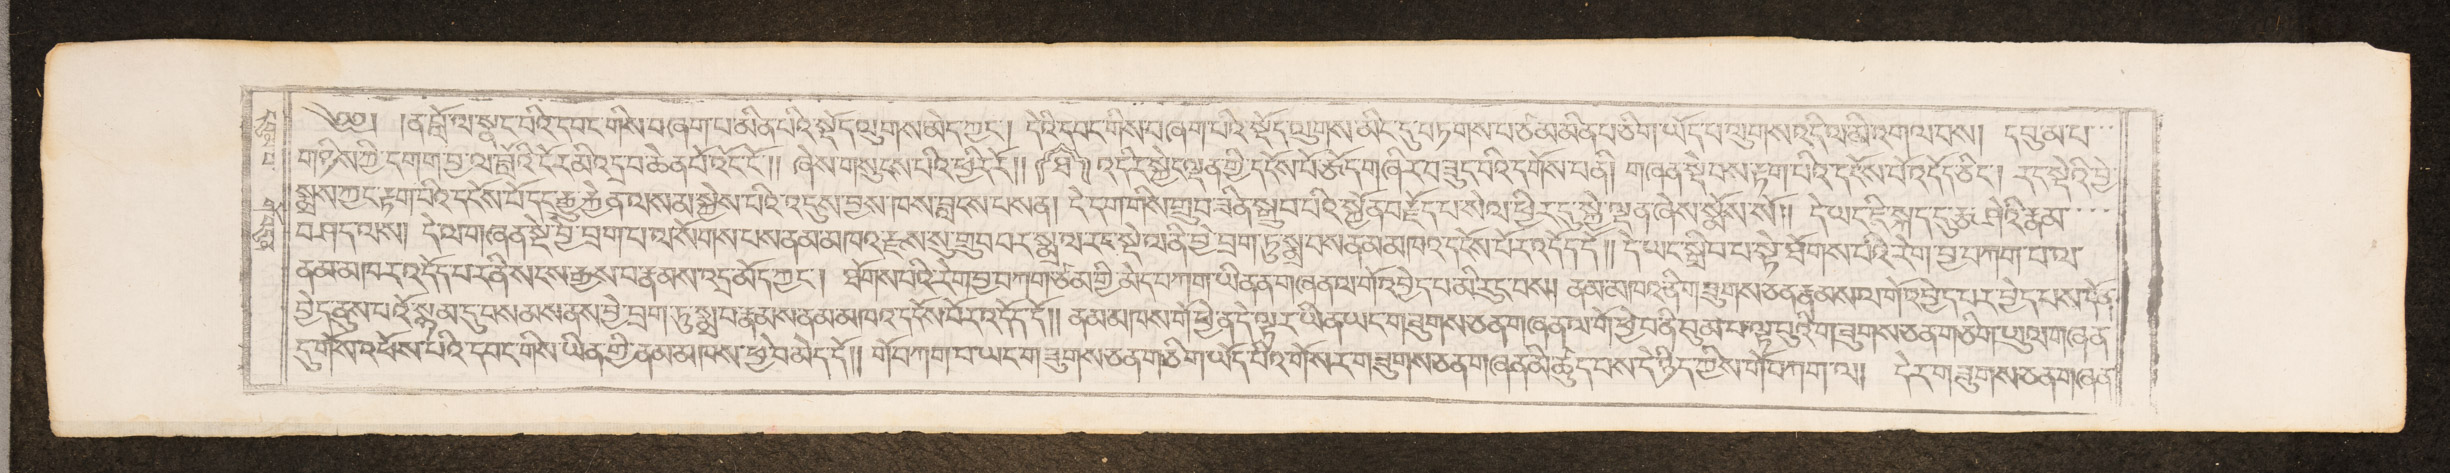༄༅། །ན་བློ་ལ་སྣང་བའི་དབང་གིས་བཞག་པ་མིན་པའི་སྡོད་ལུགས་མེད་ཀྱང་། དེའི་དབང་གིས་བཞག་པའི་སྡོད་ལུགས་མིང་དུ་བཏགས་པ་ཙམ་མིན་པ་ཅིག་ཡོད་པ་ལུགས་འདི་ལ་མི་འགལ་བས། དབུ་མ་པ་
གཉིས་ཀྱི་དགག་བྱ་ལ་བློའི་ངོ་མི་འདྲ་བ་ཆེན་པོ་འོང་ངོ།། ཞེས་གསུངས་པའི་ཕྱིར་རོ།། ༼༽ཐ༼༽ འདིར་སྐྱེང་ལྡན་གྱི་དངོས་པོ་རྩོད་གཞིར་བཟུང་བའི་དགོས་པ་ནི། གཞན་སྡེ་བས་རྟག་པའི་དངོས་བོ་འདོད་ཅིང་། རང་སྡེའི་བྱེ་
སྨྲས་ཀྱང་རྟག་བའི་དངོས་པོ་དང་རྒྱུ་རྐྱེན་ལས་མ་སྐྱེས་པའི་འདུས་བྱས་ཁས་བླངས་པས་ན། དེ་དག་གིས་གྲུབ་ཟིན་སྒྲུབ་པའི་སྐྱོན་བརྗོད་པ་སེལ་ཕྱིར་དུ་སྐྱེ་ལྡན་ཞེས་སྨོས་སོ།། དེ་ཡང་ཇི་སྐད་དུ་རྩ་ཤེའི་རྣམས་
བཤད་ལས། དེ་ལ་གཞན་སྡེ་བྱེ་བྲག་པ་ལ་སྒོ་པས་ནམ་མཁའ་རྗེ་སུ་གྲུབ་པར་སྨྲ་ལ་རང་སྡེ་ལ་ནི་བྱེ་བྲག་ཏུ་སྨྲ་བས་ནམ་མཁའ་དངོས་པོར་འདོད་དོ།། དེ་ཡང་སྒྲིབ་པ་སྟེ་ཐོགས་པའི་རེག་བྱ་བཀག་པ་ལ་
ནམ་མཁར་འདོད་པར་ནི་སངས་རྒྱས་པ་རྣམས་འདྲ་མོད་ཀྱང་། ཐོགས་པའི་རེག་བྱ་བཀག་ཙམ་གྱི་མེད་བཀག་ཡིན་ན་གཞན་ལ་གོ་འབྱེད་པ་མི་རུང་བས། ནམ་མཁའ་ནི་གཟུགས་ཅན་རྣམས་ལ་གོ་འབྱེད་པར་བྱེད་པས་དོན་
བྱེད་ནུས་པའོ་སྙམ་དུ་བསམས་ནས་བྱེ་བྲག་ཏུ་སྨྲ་བ་རྣམས་ནམ་མཁའ་དངོས་པོར་འདོད་དོ།། ནམ་མཁས་གོ་ཕྱེ་ན་དེ་ལྟར་ཡིན་ཡང་གཟུགས་ཅན་གཞན་ལ་གོ་ཕྱིར་བ་ནི་བུམ་པ་ལྟ་བུའི་གཟུགས་ཅན་གཅིག་ཡུལ་གཞན་
དུ་གོས་འཕོས་པའི་དབང་གིས་ཡིན་གྱི་ནམ་ཁས་ཕྱེ་བ་མེད་དོ།། གོ་བཀག་པ་ཡང་གཟུགས་ཅན་གཅིག་ཡོད་པའི་གོ་སར་གཟུགས་ཅན་གཞན་མི་ཚུད་པས་དེ་ཉིད་ཀྱིས་གོ་བཀག་ལ། དེར་གཟུགས་ཅན་གཞན་